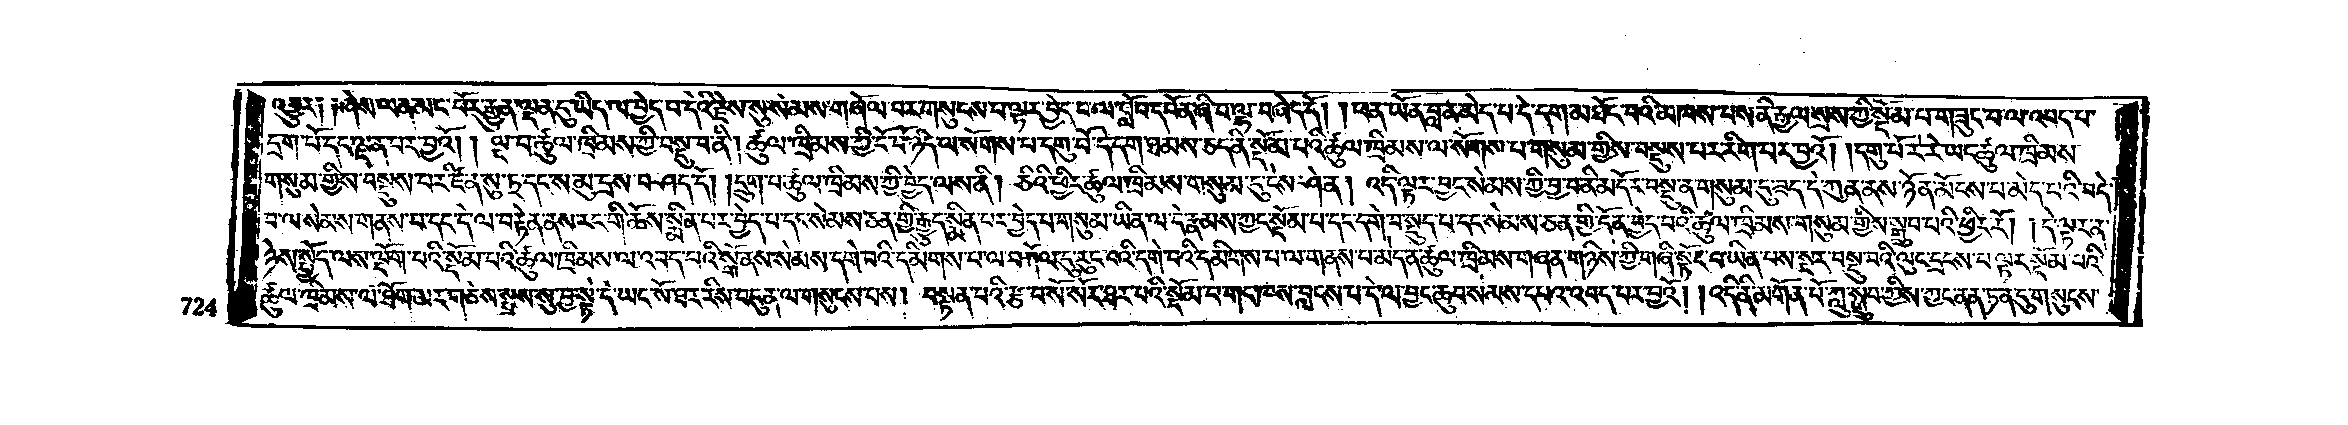འགྱུར༑ ༑ཞེས་ལན་མང་པོར་རྒྱུན་ལྡན་དུ་ཡིད་ལ་བྱེད་པ་དེའི་རྗེས་སུ་སེམས་གཞོལ་བར་གསུངས་པ་ལྟར་བྱེད་པ་ལ་བློབ་དཔོན་ཞི་བ་ལྷ་བཞེད་དོ། །ཕན་ཡོན་བླ་ན་མེད་པ་དེ་དག་མཐོང་བའི་མཁས་པས་ནི་རྒྱལ་སྲས་ཀྱི་སྡོམ་པ་གཟུང་བ་ལ་འབད་པ་
དྲག་པོ་དང་ལྡན་པར་བྱའོ། །ལྔ་པ་ཚུལ་ཁྲིམས་ཀྱི་བསྡུ་བ་ནི། ཚུལ་ཁྲིམས་ཀྱི་ངོ་བོ་ཉིད་ལ་སོགས་པ་དགུ་པོ་དེ་དག་ཐམས་ཅད་ནི་སྡོམ་པའི་ཚུལ་ཁྲིམས་ལ་སོགས་པ་གསུམ་གྱིས་བསྡུས་པར་རིག་པར་བྱའོ། །དགུ་པོ་རེ་རེ་ཡང་ཚུལ་ཁྲིམས་
གསུམ་གྱིས་བསྡུས་པར་ཛི་ན་སུ་ཏྲ་དང་ས་མུ་དྲས་བཤད་དོ། །དྲུག་པ་ཚུལ་ཁྲིམས་ཀྱི་བྱེད་ལས་ནི། ཅིའི་ཕྱིར་ཚུལ་ཁྲིམས་གསུམ་དུ་ངེས་ཤེ་ན། འདི་ལྟར་བྱང་སེམས་ཀྱི་བྱ་བ་ནི་མདོར་བསྡུ་ན་གསུམ་དུ་ཟད་དེ་ཀུན་ནས་ཉོན་མོངས་པ་མེད་པའི་བདེ་
བ་ལ་སེམས་གནས་པ་དང་དེ་ལ་བརྟེན་ནས་རང་གི་ཆོས་སྨིན་པར་བྱེད་པ་དང་སེམས་ཅན་གྱི་རྒྱུད་སྨིན་པར་བྱེད་པ་གསུམ་ཡིན་ལ་དེ་རྣམས་ཀྱང་སྡོམ་པ་དང་དགེ་བ་སྡུད་པ་དང་སེམས་ཅན་གྱི་དོན་བྱེད་པའི་ཚུལ་ཁྲིམས་གསུམ་གྱིས་སྒྲུབ་པའི་ཕྱིར་རོ། །དེ་ལྟར་ན་
ཉེས་སྤྱོད་ལས་ལྡོག་པའི་སྡོམ་པའི་ཚུལ་ཁྲིམས་ལ་འབད་པའི་སྒོ་ནས་སེམས་དགེ་བའི་དམིགས་པ་ལ་བཀོལ་དུ་རུང་བའི་དགེ་བའི་དམིགས་པ་ལ་གནས་པ་མེད་ན་ཚུལ་ཁྲིམས་གཞན་གཉིས་ཀྱི་གཞི་སྟོང་པ་ཡིན་པས་སྔར་བསྡུ་བའི་ལུང་དྲངས་པ་ལྟར་སྡོམ་པའི་
ཚུལ་ཁྲིམས་ལ་ཐོག་མར་གཅེས་སྤྲས་སུ་བྱ་སྟེ་དེ་ཡང་སོ་ཐར་རིས་བདུན་ལ་གསུངས་པས། བསྟན་པའི་རྩ་བ་སོ་སོར་ཐར་པའི་སྡོམ་པ་གང་ཁས་བླངས་པ་དེ་ལ་བྱང་ཆུབ་སེམས་དཔའ་འབད་པར་བྱའོ། །འདི་ནི་མགོན་པོ་ཀླུ་སྒྲུབ་ཀྱིས་ཀྱང་ནན་ཏན་དུ་གསུངས་